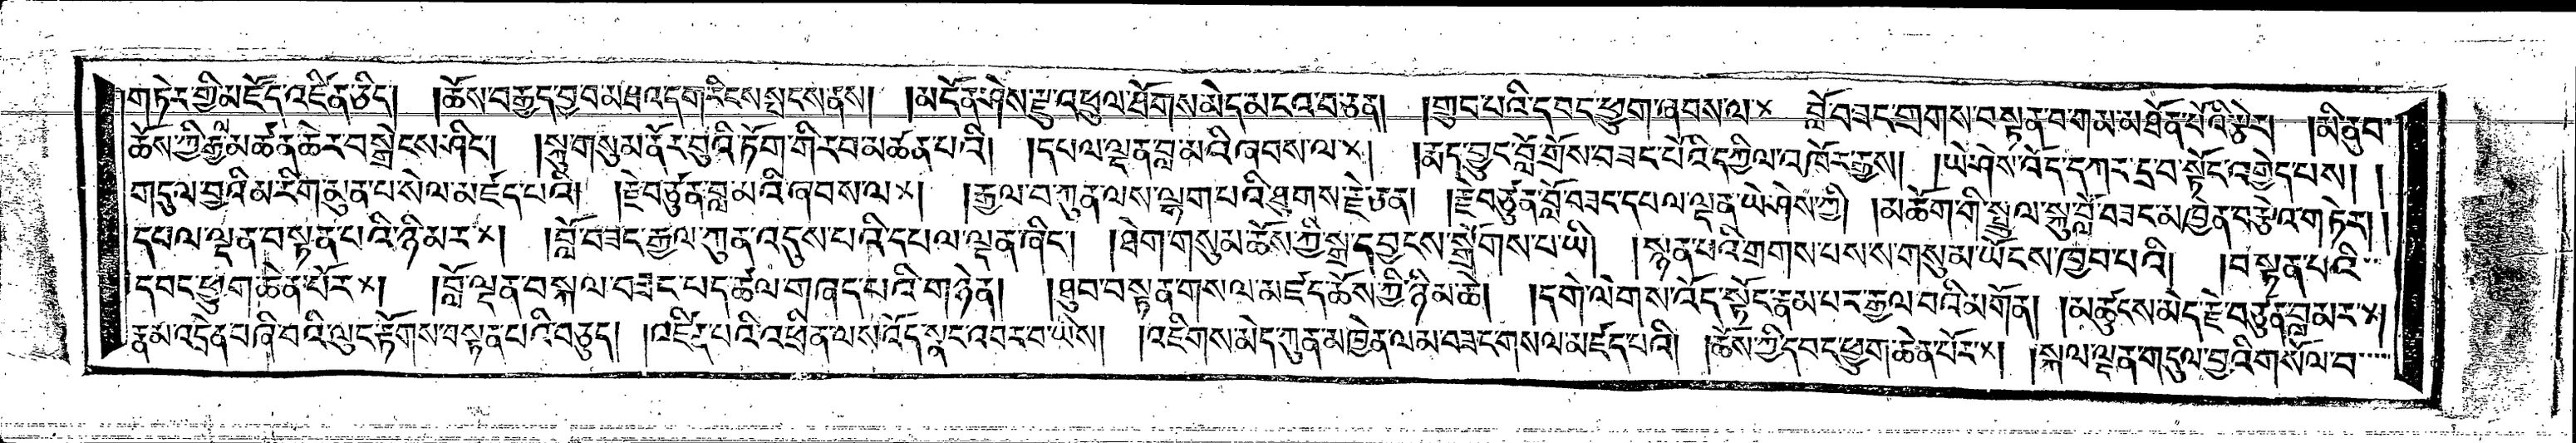གཏེར་གྱི་མཛོད་འཛིན་ཅིང་། །ཆོས་བརྒྱད་བྱ་བ་མཐའ་དག་རིངས་སྤངས་ནས། །མངོན་ཤེས་རྫུ་འཕྲུལ་ཐོགས་མེད་མངའ་བ་ཅན། །གྲུབ་པའི་དབང་ཕྱུག་ཞབས་ལ་{྾}། བློ་བཟང་གྲགས་བསྟན་བ་གམ་མཐོན་པོའི་རྩེར། །མི་ནུབ་
ཆོས་ཀྱི་རྒྱལ་མཚན་ཆེར་བསྒྲེངས་ཤིང་། །སྐུ་གསུམ་ནོར་བུའི་ཏོག་གི་རབ་མཚན་པའི། །དཔལ་ལྡན་བླ་མའི་ཞབས་ལ་{྾}། །རྨད་བྱུང་བློ་གྲོས་བཟང་པོའི་དཀྱིལ་འཁོར་རྒྱས། །ཡེ་ཤེས་འོད་དཀར་དྲ་བ་སྟོང་འགྱེད་པས། །
གདུལ་བྱའི་མ་རིག་མུན་པ་སེལ་མཛད་པའི། །རྗེ་བཙུན་བླ་མའི་ཞབས་ལ་{྾}། །རྒྱལ་བ་ཀུན་ལས་ལྷག་པའི་ཐུགས་རྗེ་ཅན། །རྗེ་བཙུན་བློ་བཟང་དཔལ་ལྡན་ཡེ་ཤེས་ཀྱི། །མཆོག་གི་སྤྲུལ་སྐུ་བློ་བཟང་མཁྱེན་བརྩེའི་གཏེར། །
དཔལ་ལྡན་བསྟན་པའི་ཉི་མར་{྾}། །བློ་བཟང་རྒྱལ་ཀུན་འདུས་པའི་དཔལ་ལྡན་ཞིང་། །ཐེག་གསུམ་ཆོས་ཀྱི་སྒྲ་དབྱངས་སྒྲོགས་པ་ཡི། །སྙན་པའི་གྲགས་པས་ས་གསུམ་ཡོངས་ཁྱབ་པའི། །བསྟན་པའི་
དབང་ཕྱུག་ཆེན་པོར་{྾}། །བློ་ལྡན་བསྐལ་བཟང་པད་ཚལ་གཞད་པའི་གཉེན། །ཐུབ་བསྟན་གསལ་མཛད་ཆོས་ཀྱི་ཉི་མ་ཆེ། །དགེ་ལེགས་འོད་སྟོང་རྣམ་པར་རྒྱལ་བའི་མགོན། །མཚུངས་མེད་རྗེ་བཙུན་བླ་མར་{྾}།
རྣམ་འདྲེན་བཞི་བའི་ལུང་རྟོགས་བསྟན་པའི་བཅུད། །འཛིན་པའི་འཕྲིན་ལས་འོད་སྣང་འབར་བ་ཡིས། །འཇིགས་མེད་ཀུན་མཁྱེན་ལམ་བཟང་གསལ་མཛད་པའི། །ཆོས་ཀྱི་དབང་ཕྱུག་ཆེན་པོར་{྾}། །སྐལ་ལྡན་གདུལ་བྱའི་གསོལ་བ་